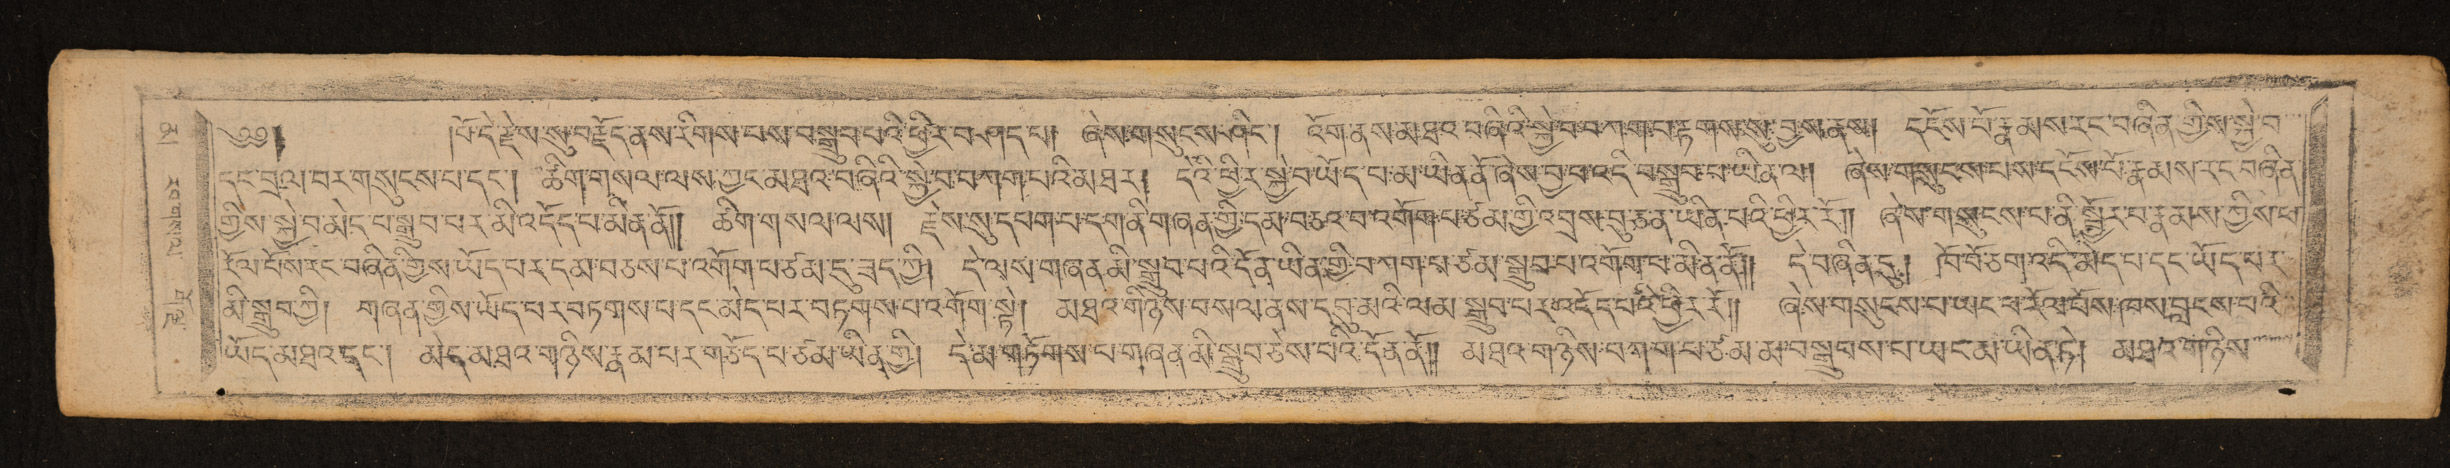༄༅། །པོ་དེ་རྗེས་སུ་བརྗོད་ནས་རིགས་པས་བསྒྲུབ་པའི་ཕྱིར་བཤད་པ། ཞེས་གསུངས་ཤིང་། འོག་ནས་མཐའ་བཞིའི་སྐྱེ་བ་བཀག་པ་རྟགས་སུ་བྱས་ནས། དངོས་པོ་རྣམས་རང་བཞིན་གྱིས་སྐྱེ་བ་
དང་བྲལ་བར་གསུངས་པ་དང་། ཚིག་གསལ་ལས་ཀྱང་མཐའ་བཞིའི་སྐྱེ་བ་བཀག་པའི་མཐར། དེའི་ཕྱིར་སྐྱེ་བ་ཡོད་པ་མ་ཡིན་ནོ་ཞེས་བྱ་བ་འདི་བསྒྲུབ་པ་ཡིན་ལ། ཞེས་གསུངས་པས་དངོས་པོ་རྣམས་རང་བཞིན་
གྱིས་སྐྱེ་བ་མེད་པ་སྒྲུབ་པར་མི་འདོད་པ་མིན་ནོ།། ཚིག་གསལ་ལས། རྗེས་སུ་དཔག་པ་དག་ནི་གཞན་གྱི་དམ་བཅའ་བ་འགོག་པ་ཙམ་གྱི་འབྲས་བུ་ཅན་ཡིན་པའི་ཕྱིར་རོ།། ཞེས་གསུངས་པ་ནི་སྦྱོར་བ་རྣམས་ཀྱིས་ཕ་
རོལ་པོས་རང་བཞིན་གྱིས་ཡོད་པར་དམ་བཅས་པ་འགོག་པ་ཙམ་དུ་ཟད་ཀྱི། དེ་ལས་གཞན་མི་སྒྲུབ་པའི་དོན་ཡིན་གྱི་བཀག་པ་ཙམ་སྒྲུབ་པ་འགོག་པ་མིན་ནོ།། དེ་བཞིན་དུ། ཁོ་བོ་ཅག་འདི་མེད་པ་དང་ཡོད་པར་
མི་སྒྲུབ་ཀྱི། གཞན་གྱིས་ཡོད་པར་བཏགས་པ་དང་མེད་པར་བཏགས་པ་འགོག་སྟེ། མཐའ་གཉིས་བསལ་ནས་དབུ་མའི་ལམ་སྒྲུབ་པར་འདོད་པའི་ཕྱིར་རོ།། ཞེས་གསུངས་པ་ཡང་ཕ་རོལ་པོས་ཁས་བླངས་པའི་
ཡོད་མཐའ་དང་། མེད་མཐའ་གཉིས་རྣམ་པར་གཅོད་པ་ཙམ་ཡིན་གྱི། དེ་མ་གཏོགས་པ་གཞན་མི་སྒྲུབ་ཅེས་པའི་དོན་ནོ།། མཐའ་གཉིས་བཀག་པ་ཙམ་མ་བསྒྲུབས་པ་ཡང་མ་ཡིན་ཏེ། མཐའ་གཉིས་